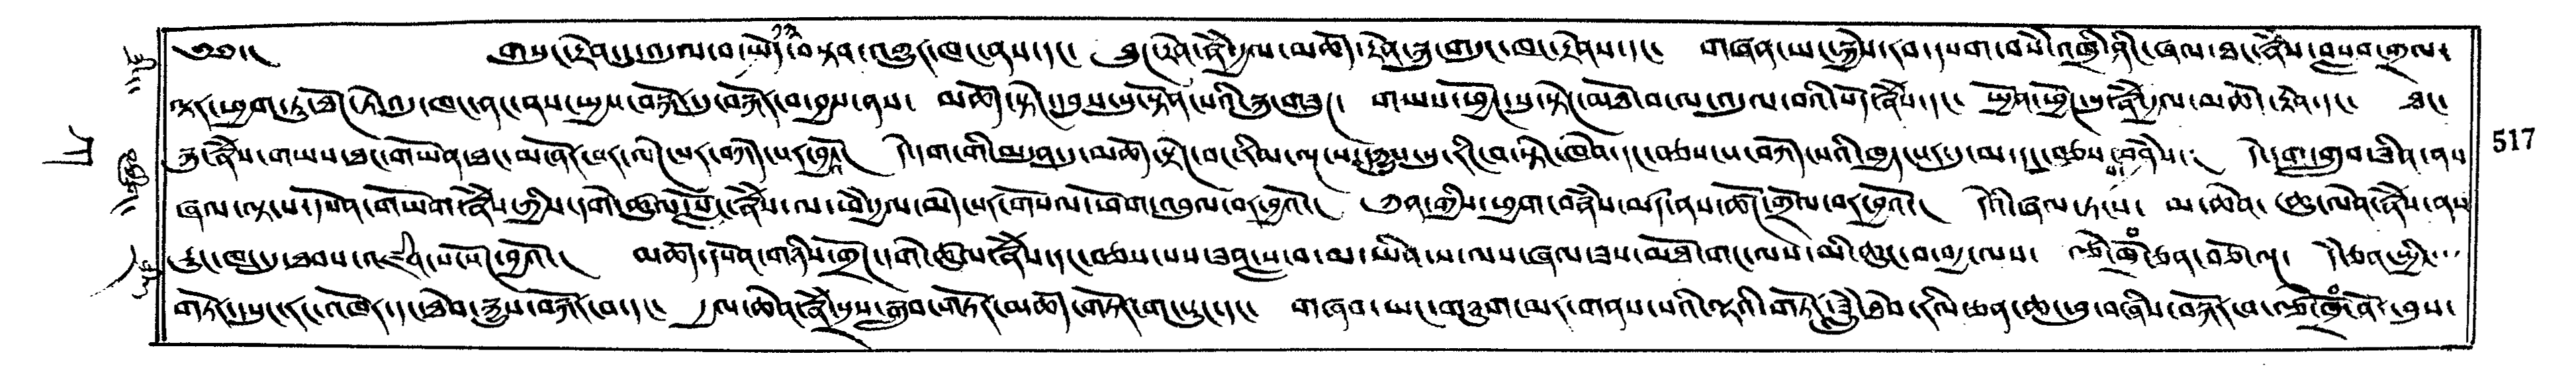གསུང་རྟེན་དུ་འདུལ་བ་པོད་བཅུ་གསུམ་བསྟན་འགྱུར་ཁང་ནས་དང་། ཐུགས་རྟེན་རྣམ་རྒྱལ་མཆོད་རྟཻན་སྐུ་གདུང་ཁང་རྟེན་ནས་དང་། གཞན་ཡང་སྐྱེས་རབས་དཔག་བསམ་འཁྲི་ཤིང་གི་ཞལ་ཐང་རྣམས་བསླབ་གྲལ་
ལྟར་ཕྱག་ཏུ་ཐོགས་ཏེ་འདུ་ཁང་ནང་ནས་གཡས་བསྐོར་དུ་བསྐོར་བ་བྱས་ནས། མཆོད་སྟེགས་དབུས་སུ་སྟོན་པའི་སྐུ་གཟུགས། གཡས་ཕྱོགས་སུ་སྟེགས་མཐོ་བ་ལ་འདུལ་བའི་པོད་རྣམས་དང་། གཡོན་ཕྱོགས་སུ་རྣམ་རྒྱལ་མཆོད་རྟེན་དང་། ཐང་
སྐུ་རྣམས་གཡས་ཐང་གཡོན་ཐང་མ་ནོར་བར་ལེགས་པར་བཀོད་པར་བྱའོ།། དེ་དག་གི་མདུན་དུ་མཆོད་སྟེགས་བང་རིམ་ལྔ་པ་དཀྱུས་སུ་རིང་བ་སྟེང་ཁེབས་དང་བཅས་པ་བཀོད་པའི་ཁྱད་པར་དུ་མ་དང་བཅས་པ་བཤམས། དེ་དག་གྲུབ་ཟིན་ནས་
ཞལ་ཏ་བ་དཔོན་གཡོག་རྣམས་ཀྱིས་དགེ་ཚུལ་སློང་རྣམས་ལ་ཕམ་རྒྱལ་མེད་པར་གསོལ་ཕོགས་འབུལ་བར་བྱ། ཀུན་ཀྱིས་ཕྱག་བསྣམས་མཛད་ནས་ཚོགས་གྲོལ་བར་བྱའོ།། དེ་ན་ཞལ་ཏ་བ། མ་བྱན་ཆུ་ལེན་རྣམས་ནས་
རུང་ཁང་དུ་ཐབ་འཛིན་པ་སོགས་བྱའོ།། མཆོད་དཔོན་གཉིས་གྲོགས་དགེ་ཚུལ་རྣམས་དང་བཅས་པས་ཟན་སླ་བ་མ་ཡིན་པ་ལས་ཞལ་ཟས་མཐོ་གང་ལས་མི་ཆུང་བ་བརྒྱ་ལས། རྩེ་ཁྲམ་ཅན་བཅོ་ལྔ། དམ་ཅན་སྤྱི་
གཏོར་དཔུང་རང་འཁོར་དང་ཐེབ་སྐྱུས་བསྐོར་བ་དང་། རྒྱལ་ཆེན་རྣམ་སྲས་སྒྲུབ་གཏོར་མཆོད་གཏོར་གང་རུང་དང་། གཞན་ཡང་གཉུག་མར་གནས་པའི་ལྷའི་གཏོར་ཟླུམ་ཐེབ་རིལ་ཅན་ཆང་བུ་བཞིས་བསྐོར་བ་རྩེ་ཁྲམ་ནོར་བུས་